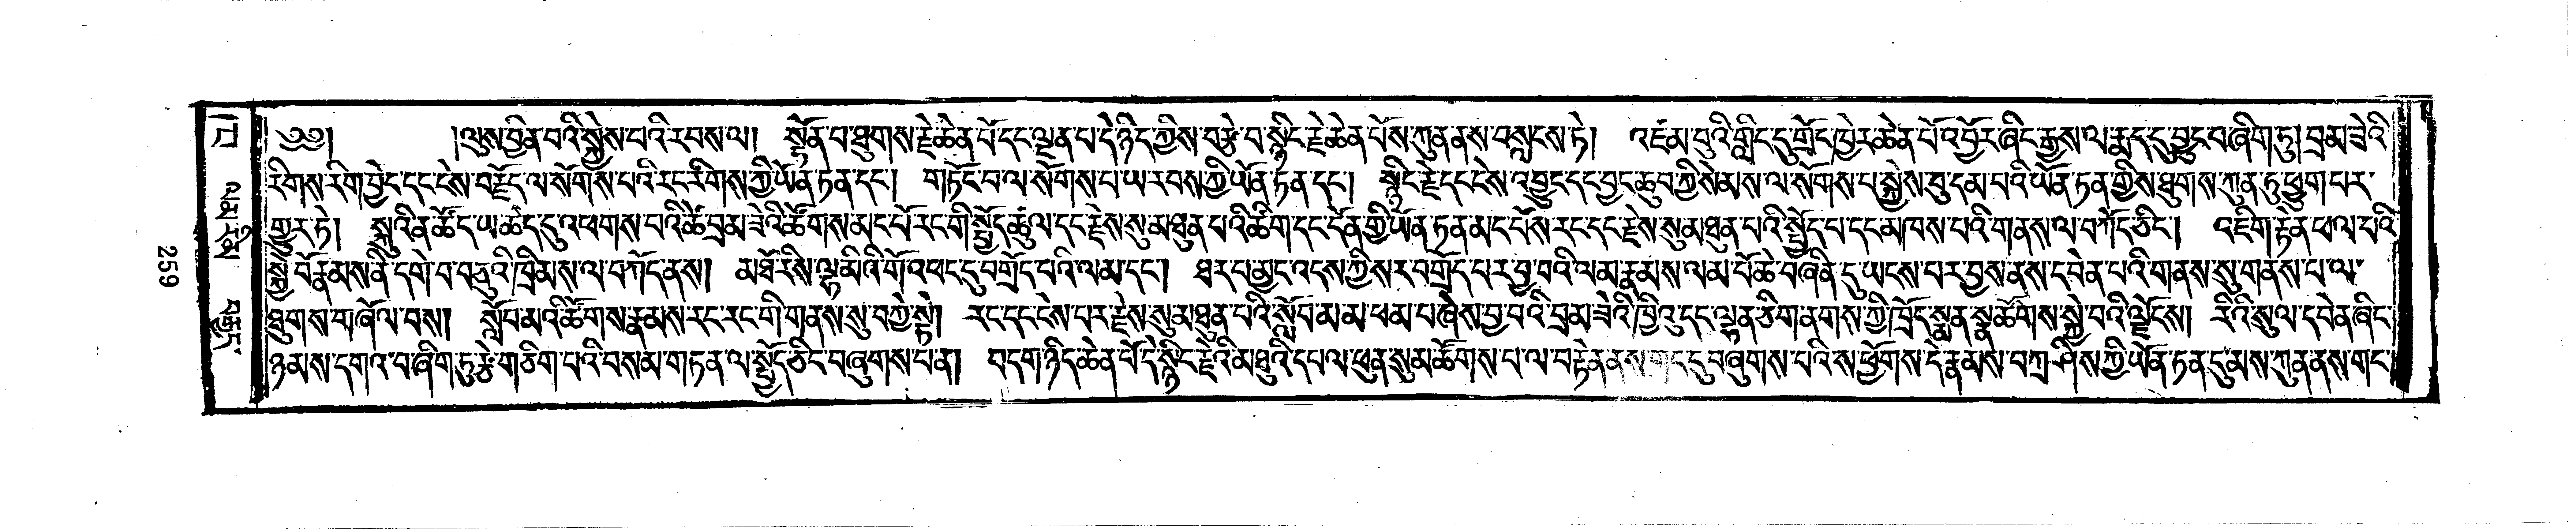༄༅། །ལུས་བྱིན་པའི་སྐྱེས་པའི་རབས་ལ། སྟོན་པ་ཐུགས་རྗེ་ཆེན་པོ་དང་ལྡན་པ་དེ་ཉིད་ཀྱིས་བརྩེ་བ་སྙིང་རྗེ་ཆེན་པོས་ཀུན་ནས་བསླངས་ཏེ། འཛམ་བུའི་གླིང་དུ་གྲོང་ཁྱེར་ཆེན་པོ་འབྱོར་ཞིང་རྒྱས་ལ་རྨད་དུ་བྱུང་བ་ཞིག་ཏུ། བྲམ་ཟེའི་
རིགས་རིག་བྱེད་དང་ངེས་བརྗོད་ལ་སོགས་པའི་རང་རིགས་ཀྱི་ཡོན་ཏན་དང་། གཏོང་བ་ལ་སོགས་པ་ཡ་རབས་ཀྱི་ཡོན་ཏན་དང་། སྙིང་རྗེ་དང་ངེས་འབྱུང་དང་བྱང་ཆུབ་ཀྱི་སེམས་ལ་སོགས་པ་སྐྱེས་བུ་དམ་པའི་ཡོན་ཏན་གྱིས་ཐུགས་ཀུན་ཏུ་ཕྱུག་པར་
གྱུར་ཏེ། སྐུའི་ན་ཚོད་ཡ་ཚད་དུ་འཕགས་པའི་ཚེ་བྲམ་ཟེའི་ཚོགས་མང་པོ་རང་གི་སྤྱོད་ཚུལ་དང་རྗེས་སུ་མཐུན་པའི་ཚིག་དང་དོན་གྱི་ཡོན་ཏན་མང་པོས་རང་དང་རྗེས་སུ་མཐུན་པའི་སྤྱོད་པ་དང་མཁས་པའི་གནས་ལ་བཀོད་ཅིང་། འཇིག་རྟེན་ཕལ་བའི་
སྐྱེ་བོ་རྣམས་ནི་དགེ་བ་བཅུའི་ཁྲིམས་ལ་བཀོད་ནས། མཐོ་རིས་ལྷ་མིའི་གོ་འཕང་དུ་བགྲོད་པའི་ལམ་དང་། ཐར་པ་མྱང་འདས་ཀྱི་སར་བགྲོད་པར་བྱ་བའི་ལམ་རྣམས་ལམ་པོ་ཆེ་བཞིན་དུ་ཡངས་པར་བྱས་ནས་དབེན་པའི་གནས་སུ་གནས་པ་ལ་
ཐུགས་གཞོལ་བས། སློབ་མའི་ཚོགས་རྣམས་རང་རང་གི་གནས་སུ་བཀྱེ་སྟེ། རང་དང་ངེས་པར་རྗེས་སུ་མཐུན་པའི་སློབ་མ་མ་ཕམ་པ་ཞེས་བྱ་བའི་བྲམ་ཟེའི་ཁྱིའུ་དང་ལྷན་ཅིག་ནགས་ཀྱི་ཁྲོད་སྨན་སྣ་ཚོགས་སྐྱེ་བའི་ལྗོངས། རིའི་སུལ་དབེན་ཞིང་
ཉམས་དགའ་བ་ཞིག་ཏུ་རྩེ་གཅིག་པའི་བསམ་གཏན་ལ་སྤྱོད་ཅིང་བཞུགས་པ་ན། བདག་ཉིད་ཆེན་པོ་དེ་སྙིང་རྗེའི་མཐུའི་དཔལ་ཕུན་སུམ་ཚོགས་པ་ལ་བརྟེན་ནས་གང་དུ་བཞུགས་པའི་ས་ཕྱོགས་དེ་རྣམས་བཀྲ་ཤིས་ཀྱི་ཡོན་ཏན་དུ་མས་ཀུན་ནས་གང་